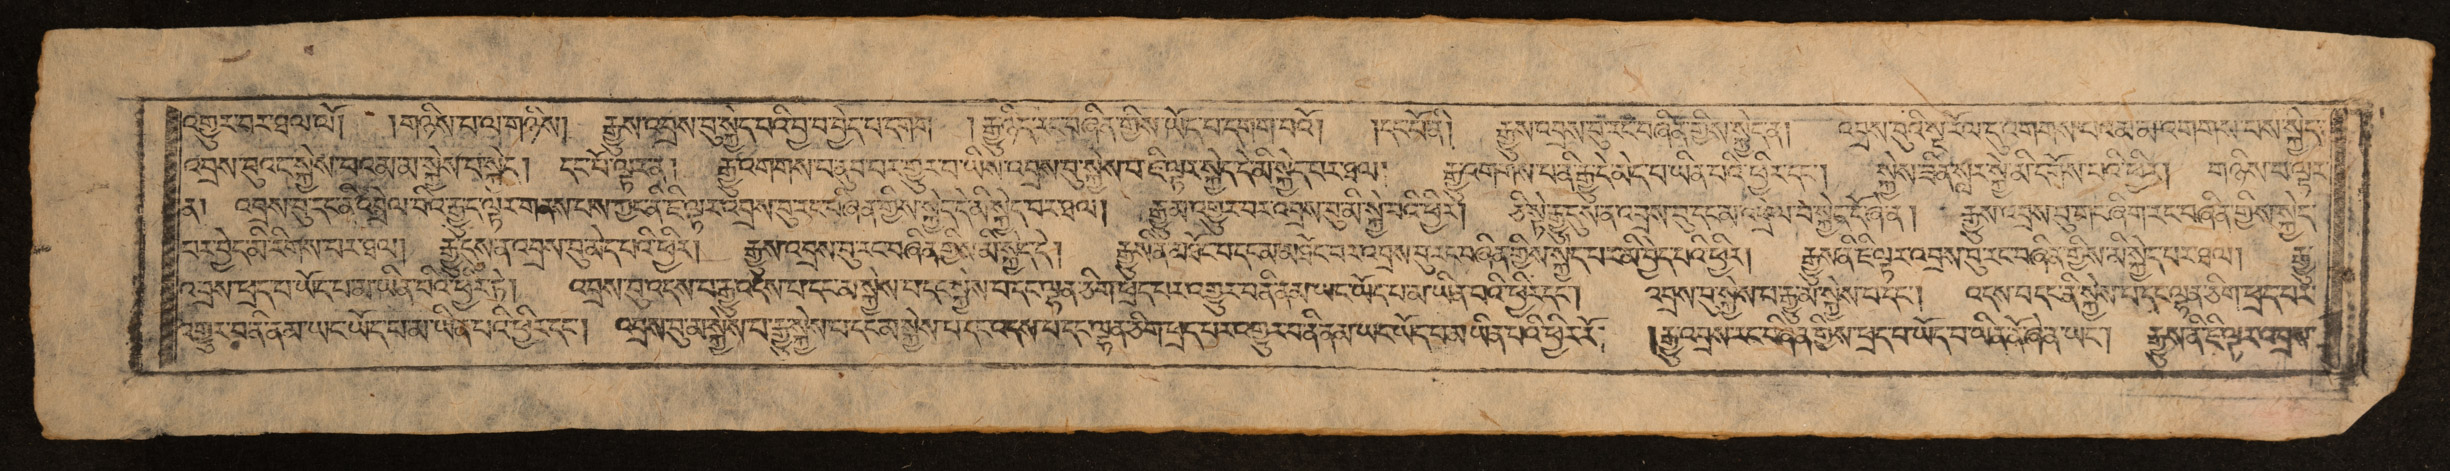འགྱུར་བར་ཐལ་ལོ། །གཉིས་པ་ལ་གཉིས། རྒྱུས་འབྲས་བུ་སྐྱེད་པའི་བྱ་བ་བྱེད་པ་དགག །རྒྱུ་ཉིད་རང་བཞིན་གྱིས་ཡོད་པ་དགག་པའོ། །དང་པོ་ནི། རྒྱུས་འབྲས་བུ་རང་བཞིན་གྱིས་སྐྱེད་ན། འབྲས་བུའི་སྔ་རོལ་དུ་འགགས་པའམ་མ་འགགས་པས་སྐྱེད་
འབྲས་བུའང་སྐྱེས་བའམ་མ་སྐྱེས་པ་སྐྱེད། དང་པོ་ལྟར་ན། རྒྱུ་འགགས་པ་ནུབ་པར་གྱུར་པ་ཡིས་འབྲས་བུ་སྐྱེས་པ་ཇི་ལྟར་སྐྱེད་དེ་མི་སྐྱེད་པར་ཐལ། རྒྱུ་འགགས་པ་ནི་རྒྱུ་དེ་མེད་པ་ཡིན་པའི་ཕྱིར་དང་། སྐྱེས་ཟིན་སླར་སྐྱེ་མི་དགོས་པའི་ཕྱིར། གཉིས་པ་ལྟར་
ན། འབྲས་བུ་དང་ནི་འབྲེལ་བའི་རྒྱུད་ལྟར་གནས་པས་ཀྱང་ནི་ཇི་ལྟར་འབྲས་བུ་རང་བཞིན་གྱིས་སྐྱེད་དེ་མི་སྐྱེད་པར་ཐལ། རྒྱུ་མ་འགྱུར་བར་འབྲས་བུ་མི་སྐྱེ་བའི་ཕྱིར། ཅི་སྟེ་རྒྱུ་དུས་ན་འབྲས་བུ་དང་མ་འབྲེལ་བསྐྱེད་དོ་ཞེ་ན། རྒྱུས་འབྲས་བུ་གང་ཞིག་དང་བཞིན་གྱིས་སྐྱེད་
བར་བྱེད་མི་རིགས་པར་ཐལ། རྒྱུ་དུས་ན་འབྲས་བུ་མེད་པའི་ཕྱིར། རྒྱུས་འབྲས་བུ་རང་བཞིན་གྱིས་མི་སྐྱེད་དེ། རྒྱུས་ནི་མཐོང་བ་དང་མ་མཐོང་བར་འབྲས་བུ་རང་བཞིན་གྱིས་སྐྱེད་པར་མི་བྱེད་པའི་ཕྱིར། རྒྱུས་ནི་ཇི་ལྟར་འབྲས་བུ་རང་བཞིན་གྱིས་མི་སྐྱེད་པར་ཐལ། རྒྱུ་
འབྲས་ཕྲད་པ་ཡོད་པ་མ་ཡིན་པའི་ཕྱིར་ཏེ། འབྲས་བུ་འདས་པ་རྒྱུ་འདས་པ་དང་མ་སྐྱེས་པ་དང་སྐྱེས་པ་དང་ལྷན་ཅིག་ཕྲད་པར་འགྱུར་བ་ནི་ནམ་ཡང་ཡོད་པ་མ་ཡིན་པའི་ཕྱིར་དང་། འབྲས་བུ་སྐྱེས་པ་རྒྱུ་མ་སྐྱེས་པ་དང་། འདས་པ་དང་ནི་སྐྱེས་པ་དང་ལྷན་ཅིག་ཕྲད་བར་
འགྱུར་བ་ནི་ནམ་ཡང་ཡོད་པ་མ་ཡིན་པའི་ཕྱིར་དང་། འབྲས་བུ་མ་སྐྱེས་པ་རྒྱུ་སྐྱེས་པ་དང་མ་སྐྱེས་པ་དང་འདས་པ་དང་ལྷན་ཅིག་ཕྲད་པར་འགྱུར་བ་ནི་ནམ་ཡང་ཡོད་པ་མ་ཡིན་པའི་ཕྱིར་རོ། །རྒྱུ་འབྲས་རང་བཞིན་གྱིས་ཕྲད་པ་ཡོད་པ་ཡིན་ནོ་ཞེ་ན་ཡང་། རྒྱུས་ནི་ཇི་ལྟར་འབྲས་